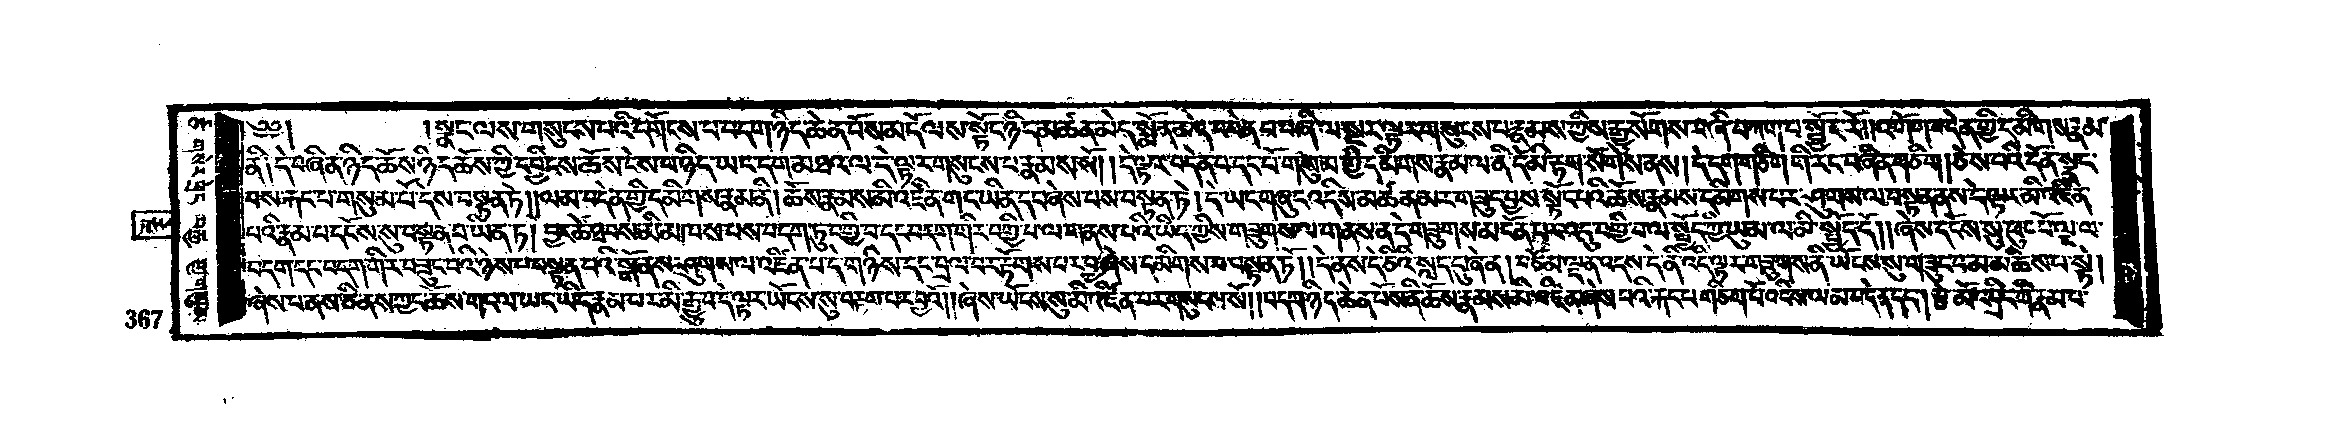༄༅། །སྣང་ལས་གསུངས་པའི་དགོངས་པ་བདག་ཉིད་ཆེན་པོས་མདོ་ལས་སྟོང་ཉིད་མཚན་མེད་སྨོན་མེད་དབེན་པ་བཞི་ལ་སྔར་ལྟར་གསུངས་པ་རྣམས་ཀྱིས་རྒྱུ་སོགས་བཞི་བཀག་པ་སྦྱོར་རོ། །འགོག་བདེན་གྱི་དམིགས་རྣམ་
ནི། དེ་བཞིན་ཉིད་ཆོས་ཉིད་ཆོས་ཀྱི་དབྱིངས་ཆོས་ངེས་པ་ཉིད་ཡང་དག་མཐའ་ལ་དེ་ལྟར་གསུངས་པ་རྣམས་སོ། །དེ་ལྟར་བདེན་པ་དང་པོ་གསུམ་གྱི་དམིགས་རྣམ་ལ་ནི་དེ་མི་རྟག་སོགས་ནས། དེ་དག་གཅིག་གི་རང་བཞིན་གཅིག །ཅེས་པའི་དོན་སྣང་
པས་རྐང་པ་གསུམ་པོ་དེས་བསྟན་ཏེ། །ལམ་བདེན་གྱི་དམིགས་རྣམ་ནི། ཆོས་རྣམས་མི་འཛིན་གང་ཡིན་དང་ཞེས་པས་བསྟན་ཏེ། དེ་ཡང་གཞུང་འདིས་མཚན་མར་གཟུང་བྱས་སྟོང་པའི་ཆོས་རྣམས་དམིགས་པར་ཤུགས་ལ་བསྟན་ནས་དེ་ལྟར་མི་འཛིན་
པའི་རྣམ་པ་དངོས་སུ་བསྟན་པ་ཡིན་ཏེ། བྱང་ཚེ་ཐབས་མི་མཁས་པས་བདག་ཏུ་བགྱི་བ་དང་བདག་གིར་བགྱི་བ་ལ་གནས་པའི་ཡིད་ཀྱིས་གཟུགས་ལ་གནས་ན་དེ་གཟུགས་མངོན་པར་འདུ་བགྱི་བ་ལ་སྤྱོད་ཀྱི་ཡུམ་ལ་མི་སྤྱོད་དོ། །ཞེས་དངོས་སུ་ཕུང་པོ་ལྔ་ལ་
བདག་དང་བདག་གིར་བཟུང་བའི་ཉེས་པ་བསྟན་པའི་སྒོ་ནས་ཤུགས་ལ་འཛིན་པ་དེ་གཉིས་དང་བྲལ་བར་རྟོགས་པར་བྱ་ཞེས་དམིགས་པ་བསྟན་ཏོ། །དེ་ནས་དེ་ཅིའི་སླད་དུ་ཞེ་ན། བཅོམ་ལྡན་འདས་དེ་ནི་འདི་ལྟར་གཟུགས་ནི་ཡོངས་སུ་གཟུང་བ་མ་མཆིས་པ་སྟེ།
ཞེས་པ་ནས་ཅི་ནས་ཀྱང་ཆོས་གང་ལ་ཡང་ཡིད་རྣམ་པར་མི་རྒྱུ་བ་དེ་ལྟར་ཡོངས་སུ་བརྟག་པར་བྱའོ། །ཞེས་ཡོངས་སུ་མི་འཛིན་པར་གསུངས་སོ། །བདག་ཉིད་ཆེན་པོས་ནི་ཆོས་རྣམས་མི་འཛིན་ཞེས་པའི་རྐང་པ་གཅིག་པོ་འདིས་ལམ་བདེན་དང་། རྩེ་མོ་འབྲིང་གི་རྣམ་པ་